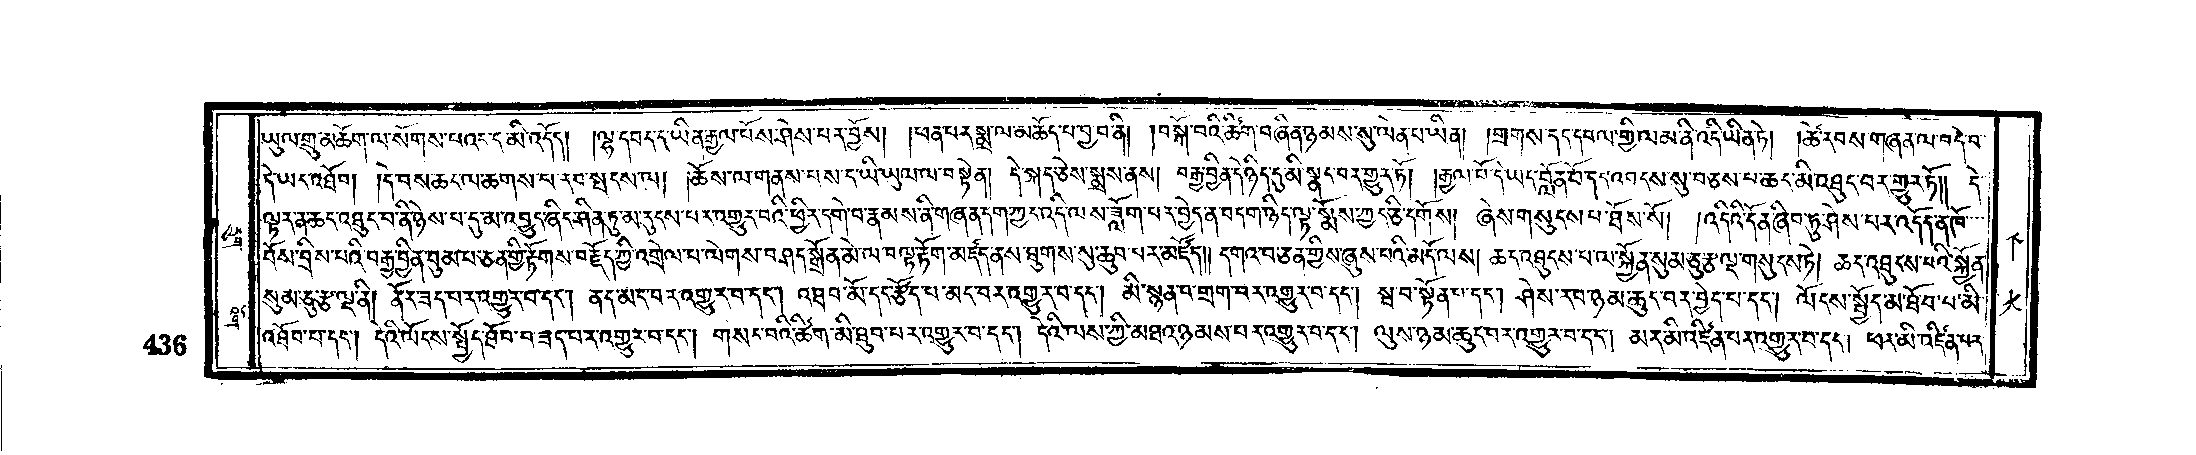ཡུལ་གྲུ་མཆོག་ལ་སོགས་པའང་ང?་མི་འདོད། །ལྷ་དབང་ང་ཡིན་རྒྱལ་པོས་ཤེས་པར་བྱོས། །ཕན་པར་སྨྲ་ལ་མཆོད་པ་བྱ་བ་ནི། །བསྒོ་བའི་ཚིག་བཞིན་ཉམས་སུ་ལེན་པ་ཡིན། །གྲགས་དང་དཔལ་གྱི་ལམ་ནི་འདི་ཡིན་ཏེ། །ཚེ་རབས་གཞན་ལ་བདེ་བ་
དེ་ཡང་འཐོབ། །དེ་བས་ཆང་ལ་ཆགས་པ་རབ་སྤངས་ལ། །ཆོས་ལ་གནས་པས་ང་ཡི་ཡུལ་ལ་བསྟེན། དེ་སྐད་ཅེས་སྨྲས་ནས། བརྒྱ་བྱིན་དེ་ཉིད་དུ་མི་སྣང་བར་གྱུར་ཏོ། །རྒྱལ་པོ་དེ་ཡང་བློན་པོ་དང་འབངས་སུ་བཅས་པ་ཆང་མི་འཐུང་བར་གྱུར་ཏོ།། དེ་
ལྟར་ན་ཆང་འཐུང་བ་ནི་ཉེས་པ་དུ་མ་འབྱུང་ཞིང་ཤིན་ཏུ་མ་རུངས་པར་འགྱུར་བའི་ཕྱིར་དགེ་བ་རྣམས་ནི་གཞན་དག་ཀྱང་འདི་ལས་ཟློག་པར་བྱེད་ན་བདག་ཉིད་ལྟ་སྨོས་ཀྱང་ཅི་དགོས། ཞེས་གསུངས་པ་ཐོས་སོ། །འདིའི་དོན་ཞིབ་ཏུ་ཤེས་པར་འདོད་ན་ཁོ་
བོས་བྲིས་པའི་བརྒྱ་བྱིན་བུམ་པ་ཅན་གྱི་རྟོགས་བརྗོད་ཀྱི་འགྲེལ་པ་ལེགས་བཤད་སྒྲོན་མེ་ལ་བལྟ་རྟོག་མཛད་ནས་ཐུགས་སུ་ཆུབ་པར་མཛོད།། དགའ་བ་ཅན་གྱིས་ཞུས་པའི་མདོ་ལས། ཆང་འཐུངས་པ་ལ་སྐྱོན་སུམ་ཅུ་རྩ་ལྔ་གསུངས་ཏེ། ཆང་འཐུངས་པའི་སྐྱོན་
སུམ་ཅུ་རྩ་ལྔ་ནི། ནོར་ཟད་པར་འགྱུར་བ་དང་། ནད་མང་བར་འགྱུར་བ་དང་། འཐབ་མོ་དང་རྩོད་པ་མང་བར་འགྱུར་བ་དང་། མི་སྙན་པ་གྲག་པར་འགྱུར་བ་དང་། སྦ་བ་སྟོན་པ་དང་། ཤེས་རབ་ཉམ་ཆུང་བར་བྱེད་པ་དང་། ལོངས་སྤྱོད་མ་ཐོབ་པ་མི་
འཐོབ་པ་དང་། དེའི་ལོངས་སྤྱོད་ཐོབ་པ་ཟད་པར་འགྱུར་བ་དང་། གསང་བའི་ཚིག་མི་ཐུབ་པར་འགྱུར་བ་དང་། དེའི་ལས་ཀྱི་མཐའ་ཉམས་པར་འགྱུར་བ་དང་། ལུས་ཉམ་ཆུང་བར་འགྱུར་བ་དང་། མར་མི་འཛིན་པར་འགྱུར་བ་དང་། ཕར་མི་འཛིན་པར་